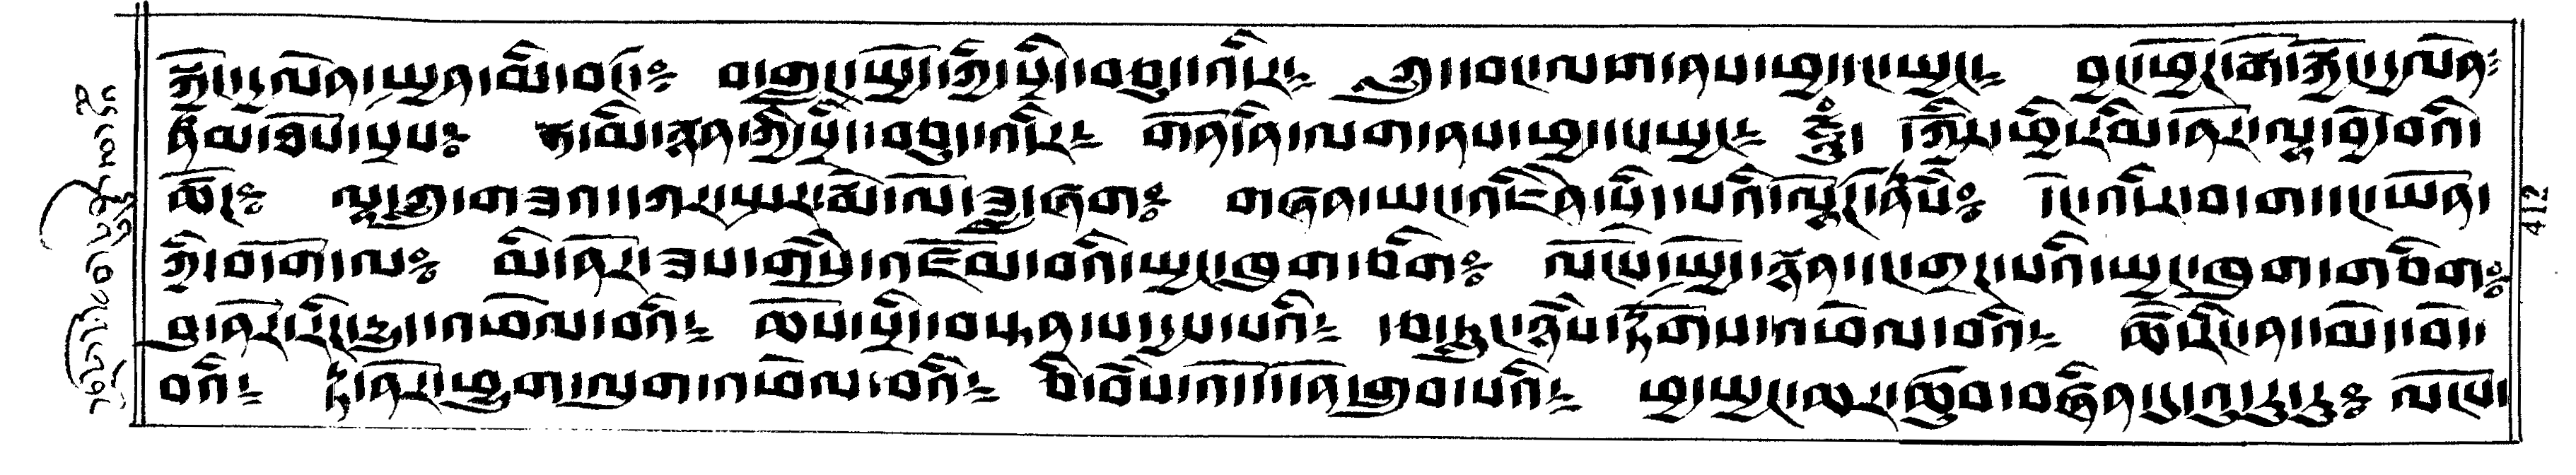སྐྱོང་རྒྱལ་ཆེན་སྤྱན་མི་བཟང༔ བ་གླང་སྤྱོད་ཀྱི་སྲིད་བཅུད་འདིར༴ ཀླུ་དབང་ལག་ནས་ཕྱ་དང་གཡང༴བྱང་ཕྱོགས་སྒོ་སྐྱོང་རྒྱལ་ཆེན་
རྣམ་ཐོས་སྲས༔ སྒྲ་མི་སྙན་ཀྱི་སྲིད་བཅུད་འདིར༴ གནོད་སྦྱིན་ལག་ནས་ཕྱྭ་དང་གཡང༴ ཧཱུྃ༔ དཀྱིལ་འཁོར་ཕྱི་རིམ་ནོར་ལྷ་བྱེ་བའི་
ཚོགས༔ ལྷ་ཀླུ་གཟའ་སྐར་སྤར་སྨེ་ལོ་ཟླ་ཞག༔ གཞན་ཡང་འཇིག་རྟེན་སྲིད་པའི་ལྷ་ཚོགས་རྣམས༴ དེང་འདིར་བདག་དང་ཡོན་
ཀྱི་བདག་པོ་ལ༔ མི་ནོར་ཟས་གསུམ་འཛོམ་པའི་གཡང་ཁུག་ཅིག༔ ལོངས་སྤྱོད་སྙན་དང་གྲགས་པའི་གཡང་ཁུག་ཅིག༔ 
བུ་ནོར་རིགས་རྒྱུད་འཕེལ་བའི༴ ཆོས་སྲིད་བསྟན་པ་རྒྱས་པའི༴ རྩ་རླུང་ཉམས་རྟོགས་འཕེལ་བའི༴ ཚེ་རིང་ནད་མེད་བདེ་
བའི༴ རྟ་ནོར་ཕྱུགས་ལུག་འཕེལ་བའི༴ ཅི་བསམ་འདོད་དོན་གྲུབ་པའི༴ ཕྱ་གཡང་ཆར་ཚུབ་བཞིན་དུ་འུ་རུ་རུ༔ ལོངས་